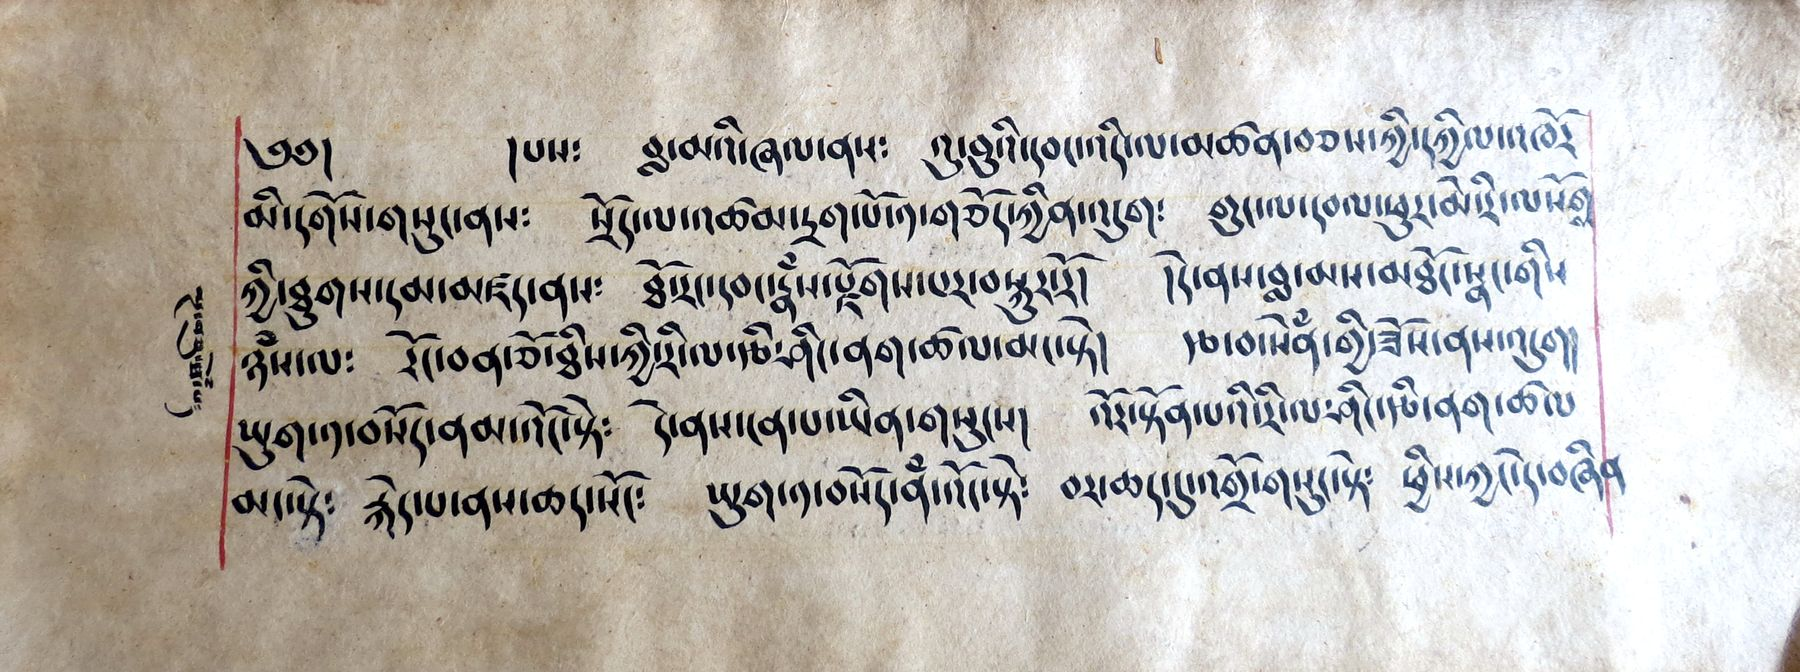པས། བླ་མའི་ཞལ་ནས/ འུ་བུའི་དབང་འདི་ལ་མཚན་བཅས་ཀྱི་དཀྱིལ་འཁོར་
མི་དགོས་གསུངས་ནས། སྲོད་ལ་མཚམས་དྲག་པོ་ཅིག་གཅོད་ཀྱིན་འདུག གུང་ལ་དབལ་ཕུར་མེ་རི་ལས་སོགས་
ཀྱི་ཐུགས་དམ་མཛད་ནས། ཐོ་རེངས་དབང་རྣམས་རྫོགས་པར་བསྐུར་རོ། །དེ་ནས་བླ་མའི་མཐོང་སྣང་གི་
ཉམས་ལ། རོང་བན་ཅོ་ཐིས་ཀྱི་རི་ལ་རྩི་ཤིང་ནགས་ཚལ་མང་སྟེ། རྩ་བ་སེམས་ཅན་གྱིས་ཟོས་ནས་འདུག 
ཡུག་ཅིག་བསོད་ནམས་འོང་སྟེ། དེ་ནས་ངན་པ་ཡིན་གསུངས། འོར་སྟོན་པའི་རི་ལ་ཤིང་རྩི་ནགས་ཚལ་
མང་སྟེ། རྐེད་པ་ནས་ཆད་སོང་། ཡུད་ཅིག་བསོད་ནམས་འོང་སྟེ་བར་ཆད་དུ་འགྲོ་གསུངས་ཏེ། ཕྱིས་ཀྱང་དེ་བཞིན་